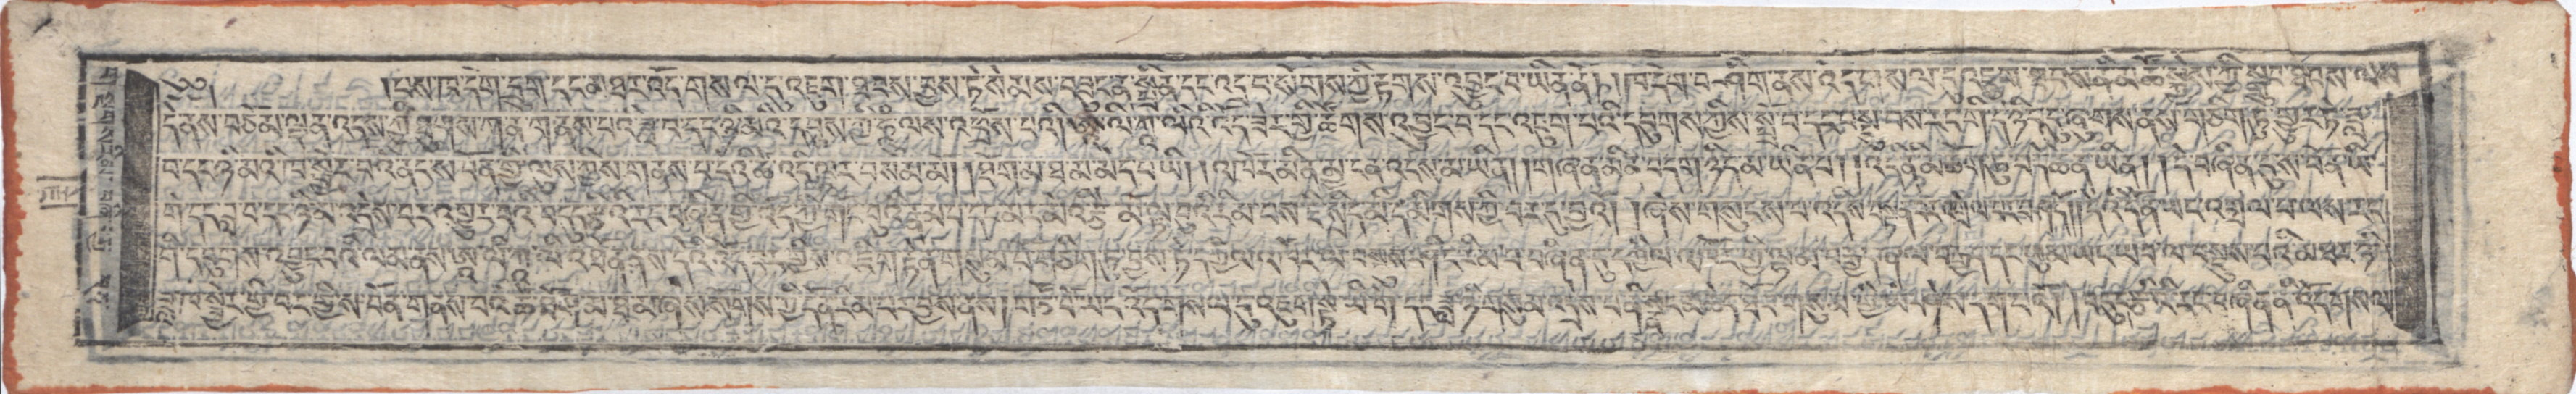༄༅། །པས་ཁ་དོག་དྲུག་དང་མཐར་འོད་གསལ་དུ་འཇུག་ཐབས་བྱས་ཏེ་སེམས་བཟུང་ན་སྤྲིན་དང་འདྲ་བ་སོགས་ཀྱི་རྟགས་འབྱུང་བ་ཡིན་ནོ། །ཁ་དོག་བཤིག་ནས་འོད་གསལ་དུ་འཇུག་ཐབས་ནི་མཚོ་སྐྱེས་ཀྱི་སྒྲུབ་ཐབས་ལས་
དེ་ནས་བཅོམ་ལྡན་འདས་ཀྱི་ཐུགས་ཀ་ན་གནས་པའི་ཟླ་བ་དང་ཉི་མའི་དབུས་ཀྱི་ཧཱུཾ་ལས་འཕྲོས་པའི། ཨཱ་ལི་ཀཱ་ལིའི་འོད་ཟེར་གྱི་ཚོགས་འབྱུང་བ་དང་འཇུག་པའི་དབུགས་ཀྱིས་སྤྲོ་བ་དང་བསྡུ་བས་རང་གི་དེ་ཉིད་དུ་ཞུགས་ནས་གཅིག་ཏུ་གྱུར་ཏེ་ཟླ་
བ་དང་ཉི་མའི་ཁ་སྦྱོར་བའི་ནང་ས་བོན་གྱི་ལུས་ཀྱིས་གནས་པ་དེའི་ཚེ་འདི་ལྟར་བསམ་མོ། །ཐོག་མ་ཐ་མ་མེད་པ་ཡི། །འཁོར་མིན་མྱ་ངན་འདས་མ་ཡིན། །གཞན་མིན་བདག་ཉིད་མ་ཡིན་པ། །འདི་ནི་མཆོག་ཏུ་བདེ་ཆེན་ཡིན། །དེ་བཞིན་དུ་ས་བོན་ཡི་
གེ་དང་ཟླ་བ་དང་ཉི་མ་འདྲེས་བར་འགྱུར་བའི་བདུད་རྩིའི་རང་བཞིན་གྱི་འོད་ཀྱི་གོང་བུའི་རྣམ་པ་དང་མར་མེའི་རྩེ་མོ་ལྟ་བུའི་རིམ་པས་ཇི་སྲིད་མི་དམིགས་ཀྱི་བར་དུ་བྱའོ། །ཞེས་གསུངས་པ་འདིས་བསྟན་པར་འགྲེལ་པར་བཤད་དོ། །དེའི་དོན་ཡང་འགྲེལ་པ་ལས་རང་
གི་དབུགས་འབྱུང་བའི་ལམ་ནས་ཨཱ་ལི་ཀཱ་ལི་འཐོན་ནས་དེའི་འོད་བར་གྱིས་འཇིག་རྟེན་གསུམ་པོ་གཅིག་ཏུ་བྱས་ཏེ་དཀྱིལ་འཁོར་ལ་བསྡུས་ཤིང་རིམ་པ་བཞིན་དུ་དཀྱིལ་འཁོར་གྱི་ལྷ་མོ་བརྒྱད་ཞལ་བརྒྱད་དང་ཡུམ་ཡང་ཡབ་ལ་བསྡུས་པའི་མཐར་ཉི་
ཟླ་ཁ་སྦྱོར་གྱི་བར་གྱི་ས་བོན་གནས་པའི་ཚེ་ཐོག་མ་ཐ་མ་ཞེས་སོགས་ཀྱི་དོན་རིམ་པར་བྱས་ནས། གཙོ་བོ་ཡང་འོད་གསལ་དུ་འཇུག་སྟེ་ཡི་གེ་དང་ཟླ་ཉི་གསུམ་འདྲེས་པ་ནི་སྣང་མཆེད་ཐོབ་གསུམ་གྱི་ཡེ་ཤེས་དག་པའོ། །བདུད་རྩིའི་རང་བཞིན་ནི་འོད་གསལ་